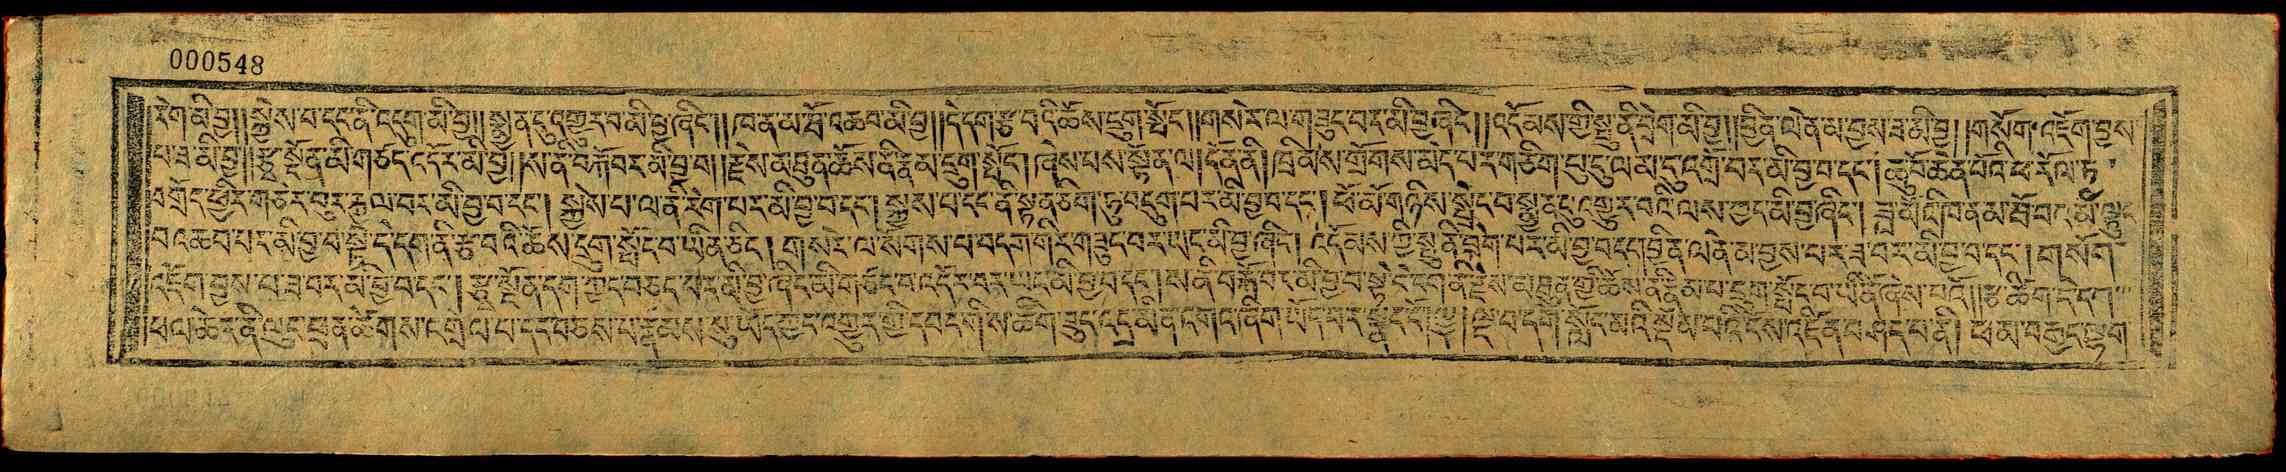རེག་མི་བྱ། །སྐྱེས་པ་དང་ནི་འདུག་མི་བྱ། །སྨྱན་དུ་འགྱུར་བ་མི་བྱ་ཞིང་། །ཁ་ན་མ་ཐོ་འཆང་མི་བྱ། །དེ་དག་རྩ་བའི་ཆོས་དྲུག་སྤོང་། །གསེར་ལ་གཟུང་བར་མི་བྱ་ཞིང་། །འདོམས་ཀྱི་སྤུ་ནི་བྲེག་མི་བྱ། །བྱིན་ལེན་མ་བྱས་ཟ་མི་བྱ། །གསོག་འཇོག་བྱས་
པ་ཟ་མི་བྱ། །རྩ་སྔོན་མི་གཙང་འདོར་མི་བྱ། །ས་ནི་བརྐོ་བར་མི་བྱ་བ། །རྗེས་མཐུན་ཆོས་ནི་རྣམ་དྲུག་སྤོང་། ཞེས་པས་སྟོན་ལ། དོན་ནི། ཁྲིམས་གྲོགས་མེད་པར་གཅིག་པུ་རུ་ལམ་དུ་འགྲོ་བར་མི་བྱ་བ་དང་། ཆུ་བོ་ཆེན་པོའི་ཕ་རོལ་ཏུ་
བགྲོད་ཕྱིར་གཅེར་པུར་རྒྱལ་བར་མི་བྱ་བ་དང་། སྐྱེས་པ་ལ་ནི་རེག་པར་མི་བྱ་བ་དང་། སྐྱེས་པ་དང་ནི་སྟན་ཅིག་ཏུ་འདུག་པར་མི་བྱ་བ་དང་། ཕོ་མོ་གཉིས་སྤྲོད་པ་སྨྱན་དུ་འགྱུར་བའི་ལས་ཀྱང་མི་བྱ་ཞིང་། ཟླ་མོའི་ཁ་ན་མ་ཐོ་བའམ་ལྟུང་
བ་འཆབ་པར་མི་བྱ་བ་སྟེ་དེ་དག་ནི་རྩ་བའི་ཆོས་དྲུག་སྤོང་བ་ཡིན་ཅིང་། གསེར་ལ་སོགས་པ་བདག་གིར་གཟུང་བར་ཡང་མི་བྱ་ཞིང་། འདོམས་ཀྱི་སྤུ་ནི་བྲེག་པར་མི་བྱ་བ་དང་། བྱིན་ལེན་མ་བྱས་པར་ཟ་བར་མི་བྱ་བ་དང་། གསོག་
འཇོག་བྱས་པ་ཟ་བར་མི་བྱ་བ་དང་། རྩ་སྔོན་དག་ཀྱང་བཅད་པར་མི་བྱ་ཞིང་མི་གཙང་བ་འདོར་བར་ཡང་མི་བྱ་བ་དང་། ས་ནི་བརྐོ་བར་མི་བྱ་བ་སྟེ་དེ་དག་ནི་རྗེས་མཐུན་གྱི་ཆོས་ནི་རྣམ་པ་དྲུག་སྤོང་བ་ཡིན་ནོ་ཞེས་པའོ། །རྩ་ཚིག་དེ་དག་
ཕལ་ཆེར་ནི་ལུང་ཕྲན་ཚེགས་འགྲེལ་པ་དང་བཅས་པ་རྣམས་སུ་ཡོད་ཀྱང་འགྱུར་གྱི་དབང་གིས་ཚིག་ཟུར་འདྲ་མིན་འགའ་ཞིག་ཡོད་པར་སྣང་ངོ། ༈ །ལྔ་པ་དགེ་སློང་མའི་སྡོམ་པའི་ངོས་འཛིན་བཤད་པ་ནི། ཕམ་བརྒྱད་ལྷག་